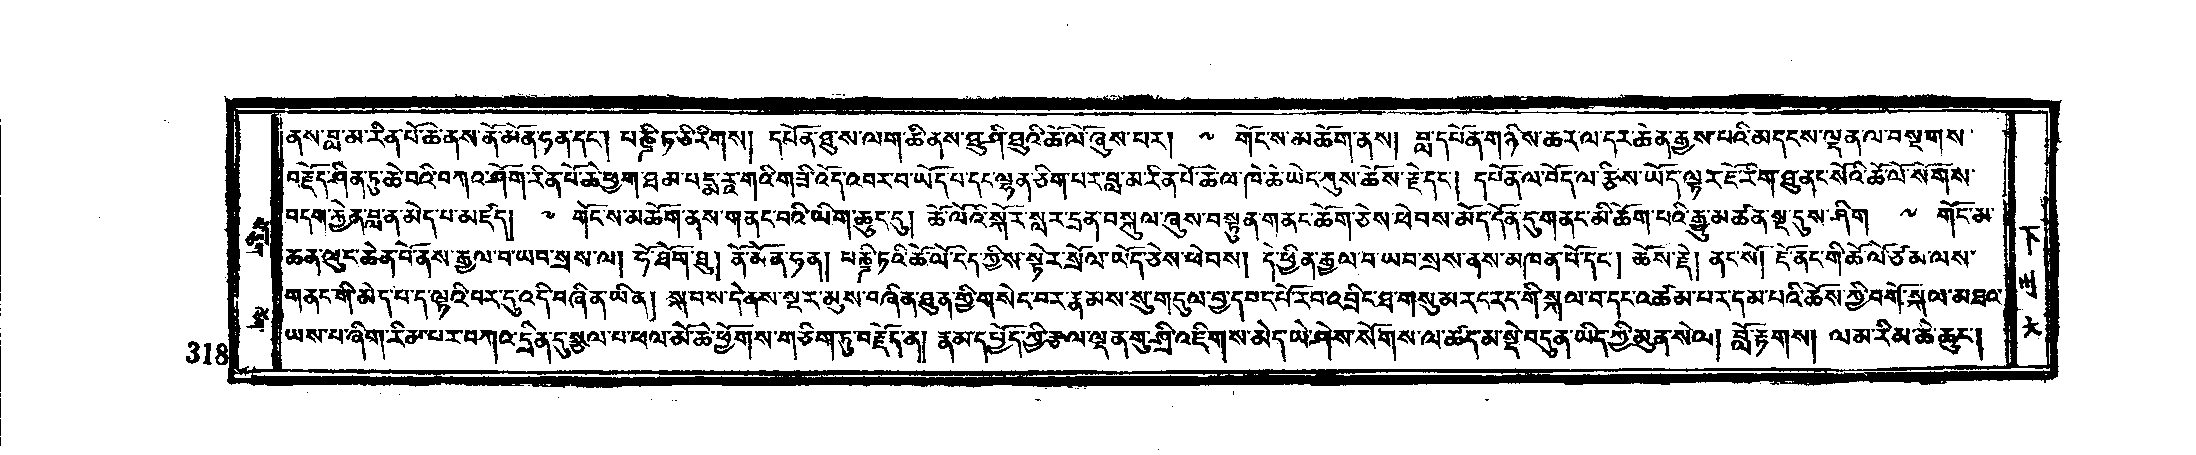ནས་བླ་མ་རིན་པོ་ཆེ་ནས་ནོ་མོན་ཧན་དང་། པཎྜི་ཏ་ཅི་རིགས། དཔོན་ཐུ་ས་ལག་ཆི་ནས་ཐུ་ཤི་ཐུའི་ཆོ་ལོ་ཞུས་པར། ༧་གོང་ས་མཆོག་ནས། བླ?་དཔོན་གཉིས་ཆར་ལ་དར་ཆེན་རྒྱས་པའི་མདངས་ལྡན་ལ་བསྔགས་
བརྗོད་ཤིན་ཏུ་ཆེ་བའི་བཀའ་ཤོག་རིན་པོ་ཆེ་ཕྱག་ཐམ་པདམ་རཱ་གའི་གཟི་འོད་འབར་བ་ཡོད་པ་དང་ལྷན་ཅིག་པར་བླ་མ་རིན་པོ་ཆེ་ལ་ཁེ་ཆེ་ཡེང་ཀུས་ཆོས་རྗེ་དང་། དཔོན་ལ་བོད་ལ་རྩིས་ཡོད་ལྟར་ཇོ་རིག་ཐུ་ནང་སོའི་ཆོ་ལོ་སོགས་
བདག་རྐྱེན་བླ་ན་མེད་པ་མཛད། ༧་གོང་ས་མཆོག་ནས་གནང་བའི་ཡིག་ཆུང་དུ། ཆོ་ལོའི་སྐོར་སླར་དྲན་བསྐུལ་ཞུས་བསྟུན་གནང་ཆོག་ཅེས་ཕེབས་མོད་དོན་དུ་གནང་མི་ཆོག་པའི་རྒྱུ་མཚན་སྔ་དུས་ཤིག ༧་གོང་མ་
ཆན་ལུང་ཆེན་པོ་ནས་རྒྱལ་བ་ཡབ་སྲས་ལ། ཧོ་ཐོག་ཐུ། ནོ་མོན་ཧན། པཎྜི་ཏའི་ཆོ་ལོ་ངེད་ཀྱིས་སྟེར་སྲོལ་ཡོད་ཅེས་ཕེབས། དེ་ཕྱིན་རྒྱལ་བ་ཡབ་སྲས་ནས་མཁན་པོ་དང་། ཆོས་རྗེ། ནང་སོ། ཇོ་ནང་གི་ཆོ་ལོ་ཙམ་ལས་
གནང་གི་མེད་པ་ད་ལྟའི་བར་དུ་འདི་བཞིན་ཡིན། སྐབས་དེ་ནས་སྔར་མུས་བཞིན་ཐུན་གྱི་གསེང་བར་རྣམས་སུ་གདུལ་བྱ་དབང་པོ་རབ་འབྲིང་ཐ་གསུམ་རང་རང་གི་སྐལ་བ་དང་འཚམ་པར་དམ་པའི་ཆོས་ཀྱི་བགོ་སྐལ་མཐའ་
ཡས་པ་ཞིག་རིམ་པར་བཀའ་དྲིན་དུ་སྩལ་པ་ཕལ་མོ་ཆེ་ཕྱོགས་གཅིག་ཏུ་བརྗོད་ན། རྣམ་དཔྱོད་ཀྱི་རྩལ་ལྡན་གུ་ཤྲི་འཇིགས་མེད་ཡེ་ཤེས་སོགས་ལ་ཚད་མ་སྡེ་བདུན་ཡིད་ཀྱི་མུན་སེལ། བློ་རྟགས། ལམ་རིམ་ཆེ་ཆུང་།